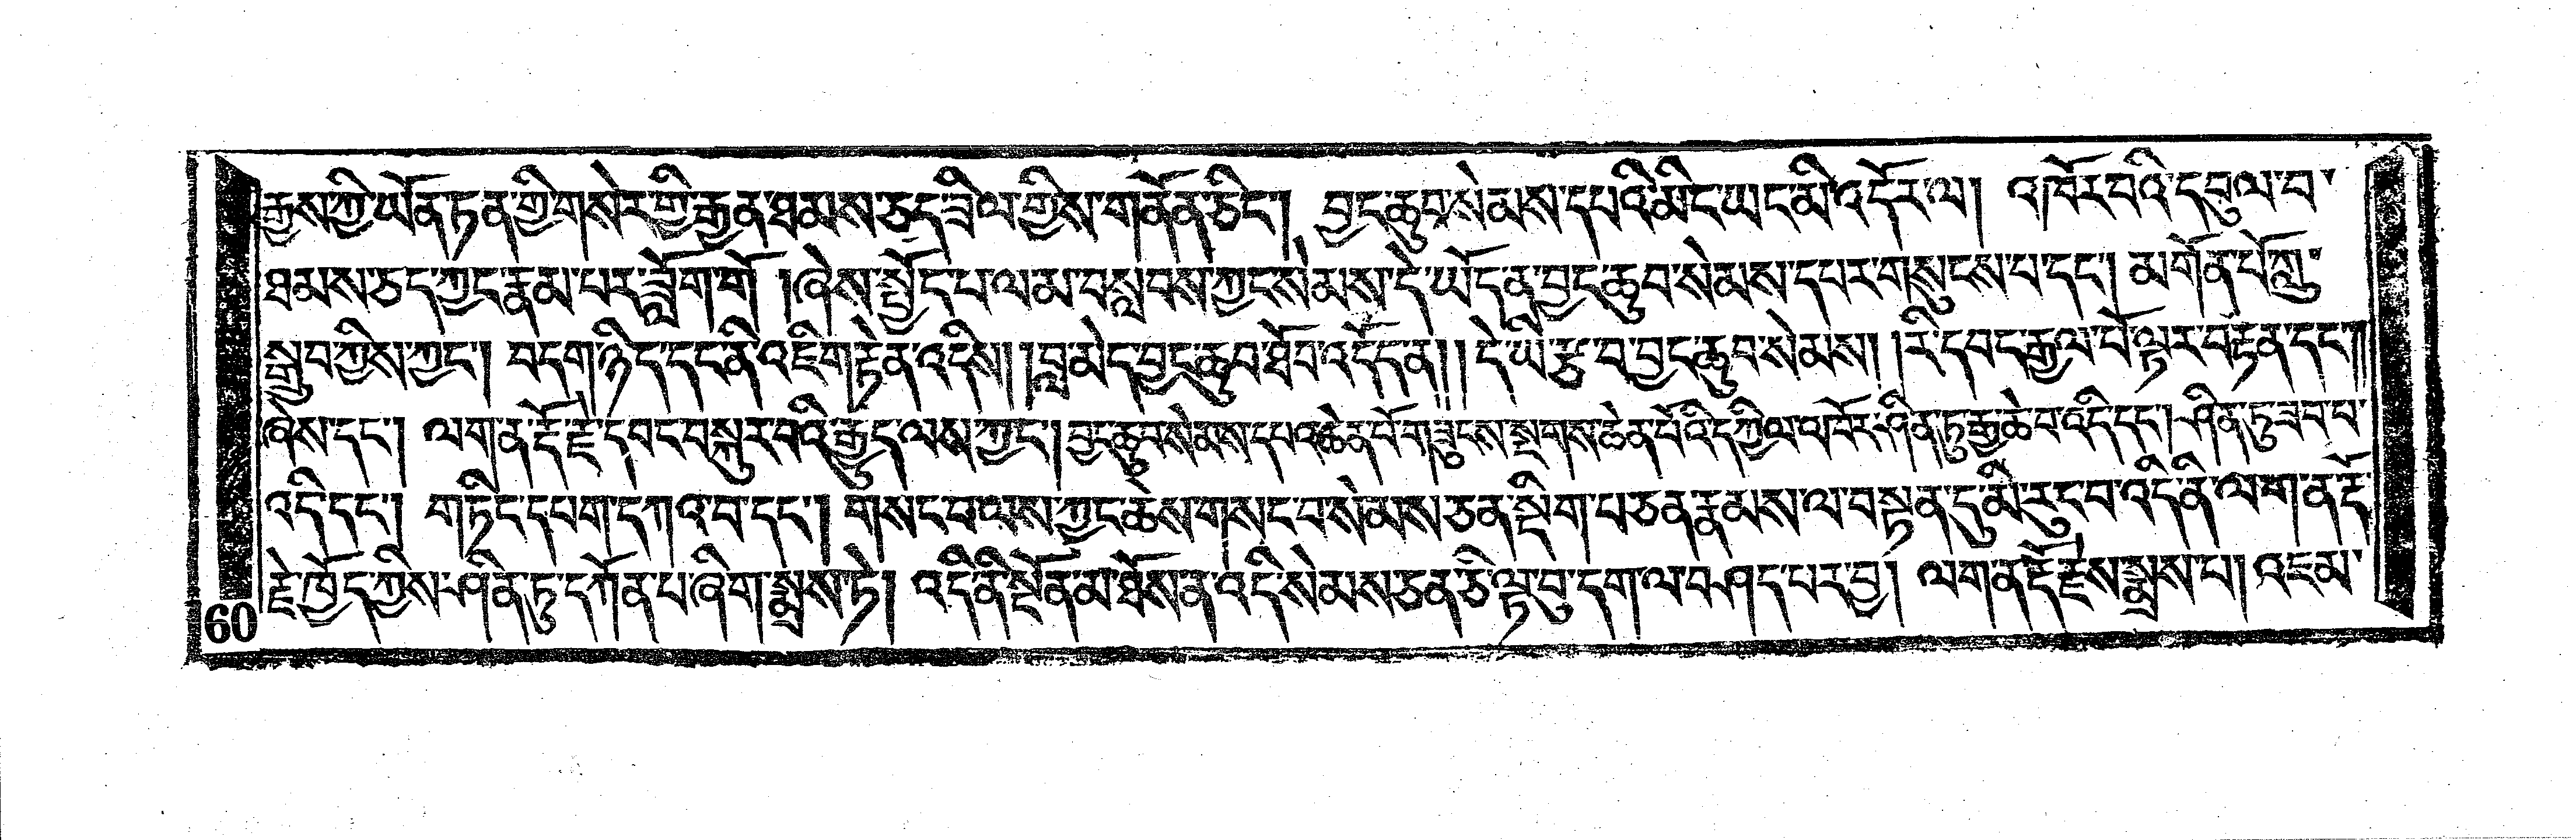རྒྱས་ཀྱི་ཡོན་ཏན་གྱི་གསེར་གྱི་རྒྱན་ཐམས་ཅད་ཟིལ་གྱིས་གནོན་ཅིང་། བྱང་ཆུབ་སེམས་དཔའི་མིང་ཡང་མི་འདོར་ལ། འཁོར་བའི་དབུལ་བ་
ཐམས་ཅད་ཀྱང་རྣམ་པར་ཟློག་གོ །ཞེས་སྤྱོད་པ་ལ་མ་བསླབས་ཀྱང་སེམས་དེ་ཡོད་ན་བྱང་ཆུབ་སེམས་དཔར་གསུངས་པ་དང་། མགོན་པོ་ཀླུ་
སྒྲུབ་ཀྱིས་ཀྱང་། བདག་ཉིད་དང་ནི་འཇིག་རྟེན་འདིས། །བླ་མེད་བྱང་ཆུབ་ཐོབ་འདོད་ན། །དེ་ཡི་རྩ་བ་བྱང་ཆུབ་སེམས། །རི་དབང་རྒྱལ་པོ་ལྟར་བརྟན་དང་། །
ཞེས་དང་། ལག་ན་རྡོ་རྗེ་དབང་བསྐུར་བའི་རྒྱུད་ལས་ཀྱང་། བྱང་ཆུབ་སེམས་དཔའ་ཆེན་པོ་གཟུངས་སྔགས་ཆེན་པོའི་དཀྱིལ་འཁོར་ཤིན་ཏུ་རྒྱ་ཆེ་བ་འདི་དང་། ཤིན་ཏུ་ཟབ་པ་
འདི་དང་། གཏིང་དཔག་དཀའ་བ་དང་། གསང་བ་ལས་ཀྱང་ཆེས་གསང་བ་སེམས་ཅན་སྡིག་པ་ཅན་རྣམས་ལ་བསྟན་དུ་མི་རུང་བ་འདི་ནི་ལག་ན་རྡོ་
རྗེ་ཁྱོད་ཀྱིས་ཤིན་ཏུ་དཀོན་པ་ཞིག་སྨྲས་ཏེ། འདི་ནི་སྔོན་མ་ཐོས་ན་འདི་སེམས་ཅན་ཅི་ལྟ་བུ་དག་ལ་བཤད་པར་བྱ། ལག་ན་རྡོ་རྗེས་སྨྲས་པ། འཇམ་